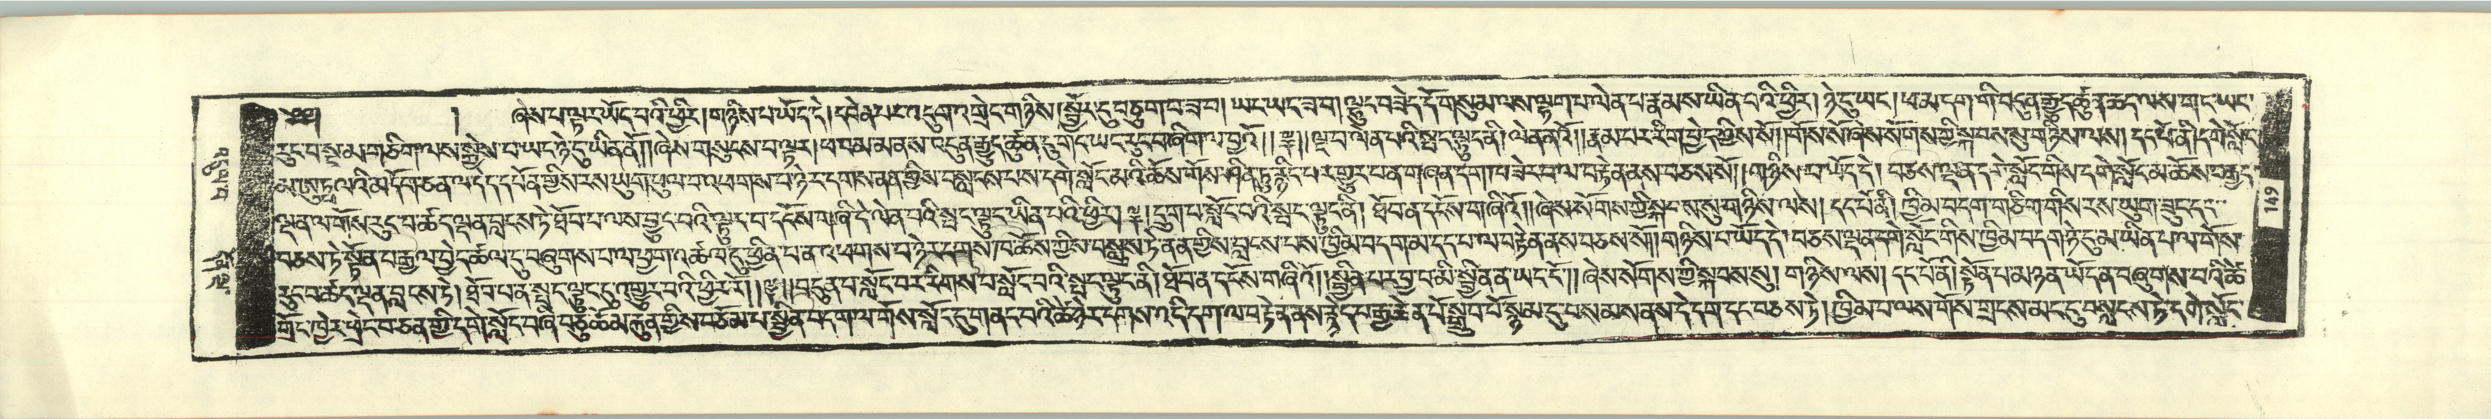༄༅། །ཞེས་པ་ལྟར་ཡོད་པའི་ཕྱིར། གཉིས་པ་ཡོད་དེ། དབེན་པར་འདུག་འགྲེང་གཉིས། སྦྱོར་དུ་བཅུག་བ་ཟ་བ། ཡང་ཡང་ཟ་བ། ལྷུང་བཟེད་དོ་གསུམ་ལས་ལྷག་པ་ལེན་པ་རྣམས་ཡིན་པའི་ཕྱིར། ཉེ་དུ་ཡང་། ཕ་མ་དག་གི་བདུན་རྒྱུད་ཚུན་ཆད་ལས་གང་ཡང་
རུང་བ་སྔ་མ་གཅིག་ལས་སྐྱེས་པ་ཡང་ཉེ་དུ་ཡིན་ནོ། །ཞེས་གསུངས་པ་ལྟར། ཕ་བམ་མ་ནས་འདུན་རྒྱུད་ཚུན་དུ་གང་ཡང་རུང་བ་ཞིག་ལ་བྱའོ། །༈ །།ལྔ་བ་ལེན་པའི་སྤང་ལྟུང་ནི། ལེན་ནའོ། །རྣམ་པར་རིག་བྱེད་ཀྱིས་སོ། །གོས་སོ་ཞེས་སོགས་ཀྱི་སྐབས་སུ་གཉིས་ལས། དང་པོ་ནི། དགེ་སློང་
མ་ཨུཏྤ་ལའི་མདོག་ཅན་ལ་དེད་དཔོན་གྱིས་རས་ཡུག་ཕུལ་བ་འཕགས་པ་ཉེར་དགས་ནན་གྱིས་བསླངས་པས་དགེ་སློང་མའི་ཆོས་གོས་ཤིན་ཏུ་རྙིང་པར་གྱུར་པ་ན་གཞན་དག་ཁ་ཟེར་བ་ལ་བརྟེན་ནས་བཅས་སོ། །གཉིས་པ་ཡོད་དེ། བཅས་ལྡན་དགེ་སློང་གིས་དགེ་སློང་མ་ཆོས་བརྒྱད་
ལྡན་ལ་གོས་རུང་བ་ཚད་ལྡན་བླངས་ཏེ་ཐོབ་པ་ལས་བྱུང་བའི་ལྟུང་བ་དངོས་གཞི་དེ་ལེན་པའི་སྤང་ལྟུང་ཡིན་པའི་ཕྱིར། ༈ །དྲུག་པ་སློང་བའི་སྤང་ལྟུང་ནི། ཐོབ་ན་དངོས་གཞིའོ། །ཞེས་སོགས་ཀྱི་སྐབས་སུ་གཉིས་ལས། དང་པོ་ནི། ཁྱིམ་བདག་གཅིག་གིས་རས་ཡུག་ཟུང་དང་
བཅས་ཏེ་སྟོན་པ་རྒྱལ་བྱེད་ཚལ་དུ་བཟུངས་པ་ལ་ཕྱག་འཚལ་དུ་ཕྱིན་པ་ན་འཕགས་པ་ཉེར་དགས་ཁ་ཆོས་ཀྱིས་བསླུས་ཏེ་ནན་གྱིས་བླངས་པས་ཁྱིམ་བདག་མ་དང་པ་ལ་བརྟེན་ནས་བཅས་སོ། །གཉིས་པ་ཡོད་དེ། བཅས་ལྡན་དགེ་སློང་གིས་ཁྱིམ་བདག་ཉེ་དུ་མ་ཡིན་པ་ལ་གོས་
རུང་བ་ཚད་ལྡན་བླངས་ཏེ། ཐོབ་པ་ན་སྤང་ལྟུང་དུ་འགྱུར་བའི་ཕྱིར་རོ། །༈ །།བདུན་པ་སློང་བར་རིགས་པ་སློང་བའི་སྤང་ལྟུང་ནི། ཐོབ་ན་དངོས་གཞིའོ། །སྦྱིན་པར་བྱ་བ་མི་སྦྱིན་ན་ཡང་ངོ། །ཞེས་སོགས་ཀྱི་སྐབས་སུ། གཉིས་ལས། དང་པོ་ནི། སྟོན་པ་མཉན་ཡོད་ན་བཞུགས་པའི་ཚེ་
གྲོང་ཁྱེར་ཕྲེང་བ་ཅན་གྱི་དགེ་སློང་བཞི་བཅུ་ཆོམ་རྐུན་གྱིས་བཅོམ་པ་སྦྱིན་བདག་ལ་གོས་སློང་དུ་གནང་བའི་ཚེ་ཉེར་དགས་འདི་དག་ལ་བརྟེན་ནས་རྙེད་པ་རྒྱ་ཆེན་པོ་སྒྲུབ་པོ་སྙམ་དུ་བསམས་ནས་དེ་དག་དང་བཅས་ཏེ། ཁྱིམ་པ་ལས་གོས་གྲངས་མང་དུ་བསླངས་ཏེ་དགེ་སློང་